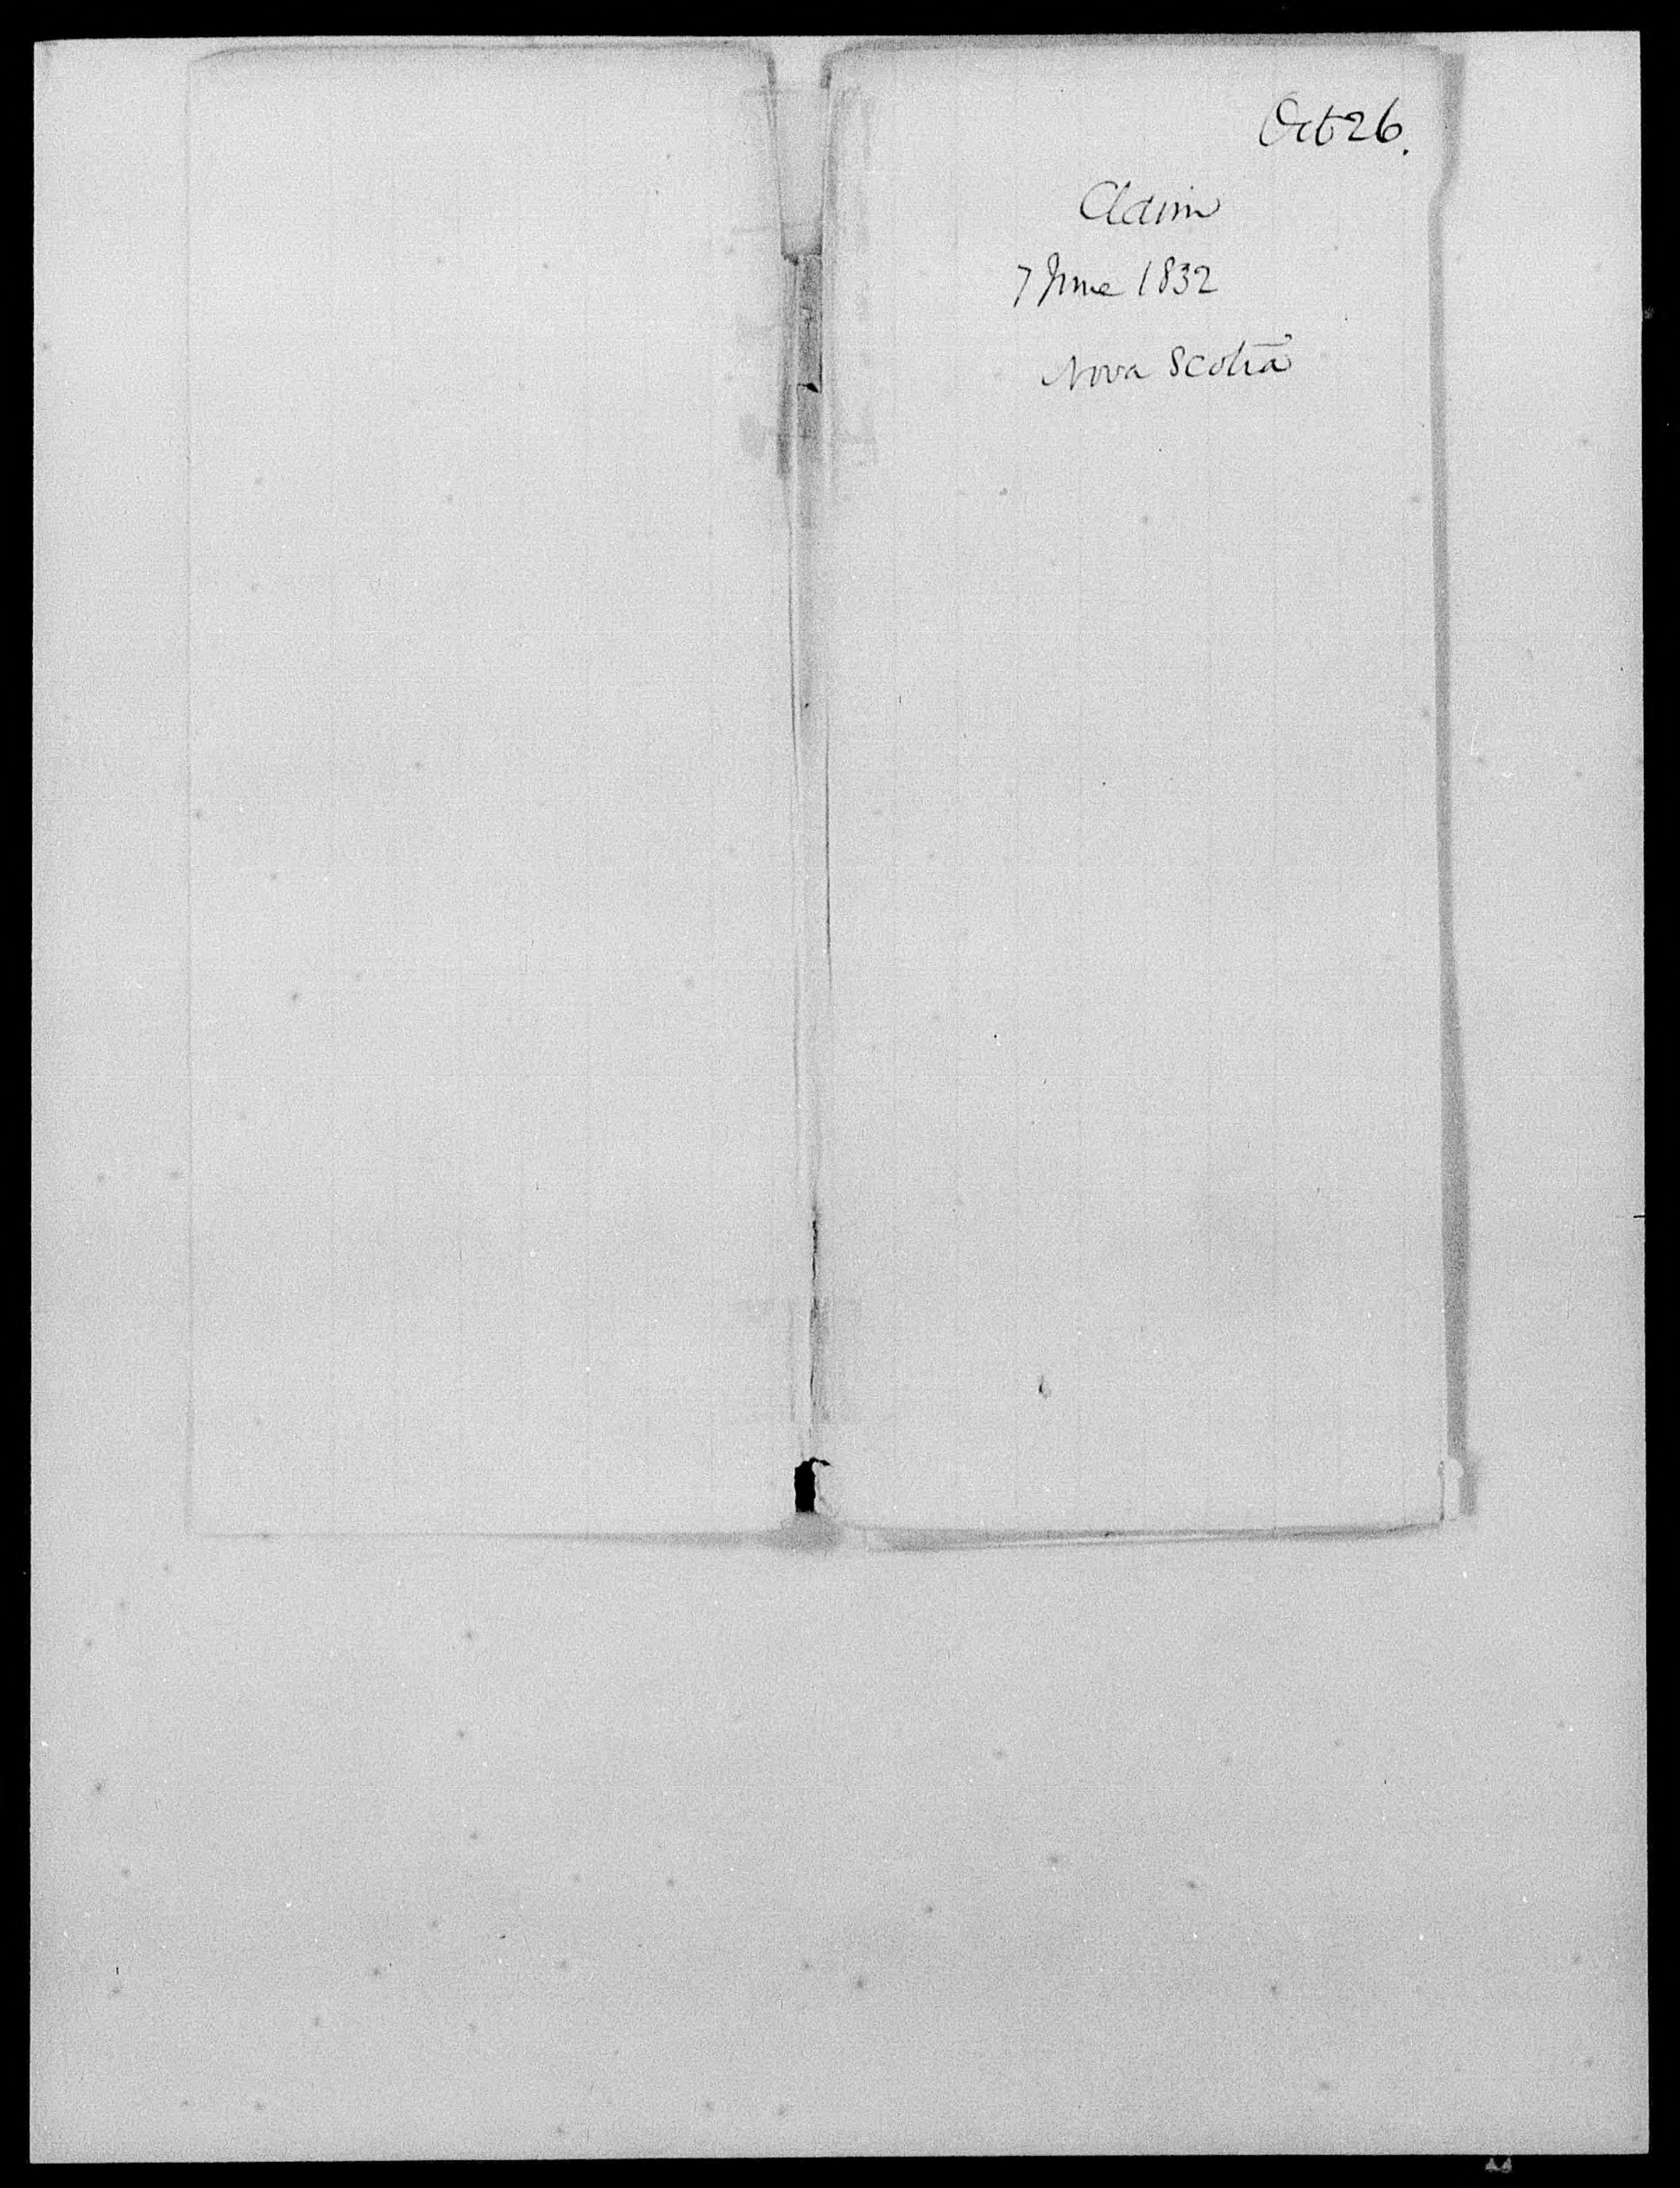Oct 26.
Claim
7 June 1832
Nova Scotia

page: 9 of 11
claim: rejected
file: R 6837, for Samuel Mains, Maryland